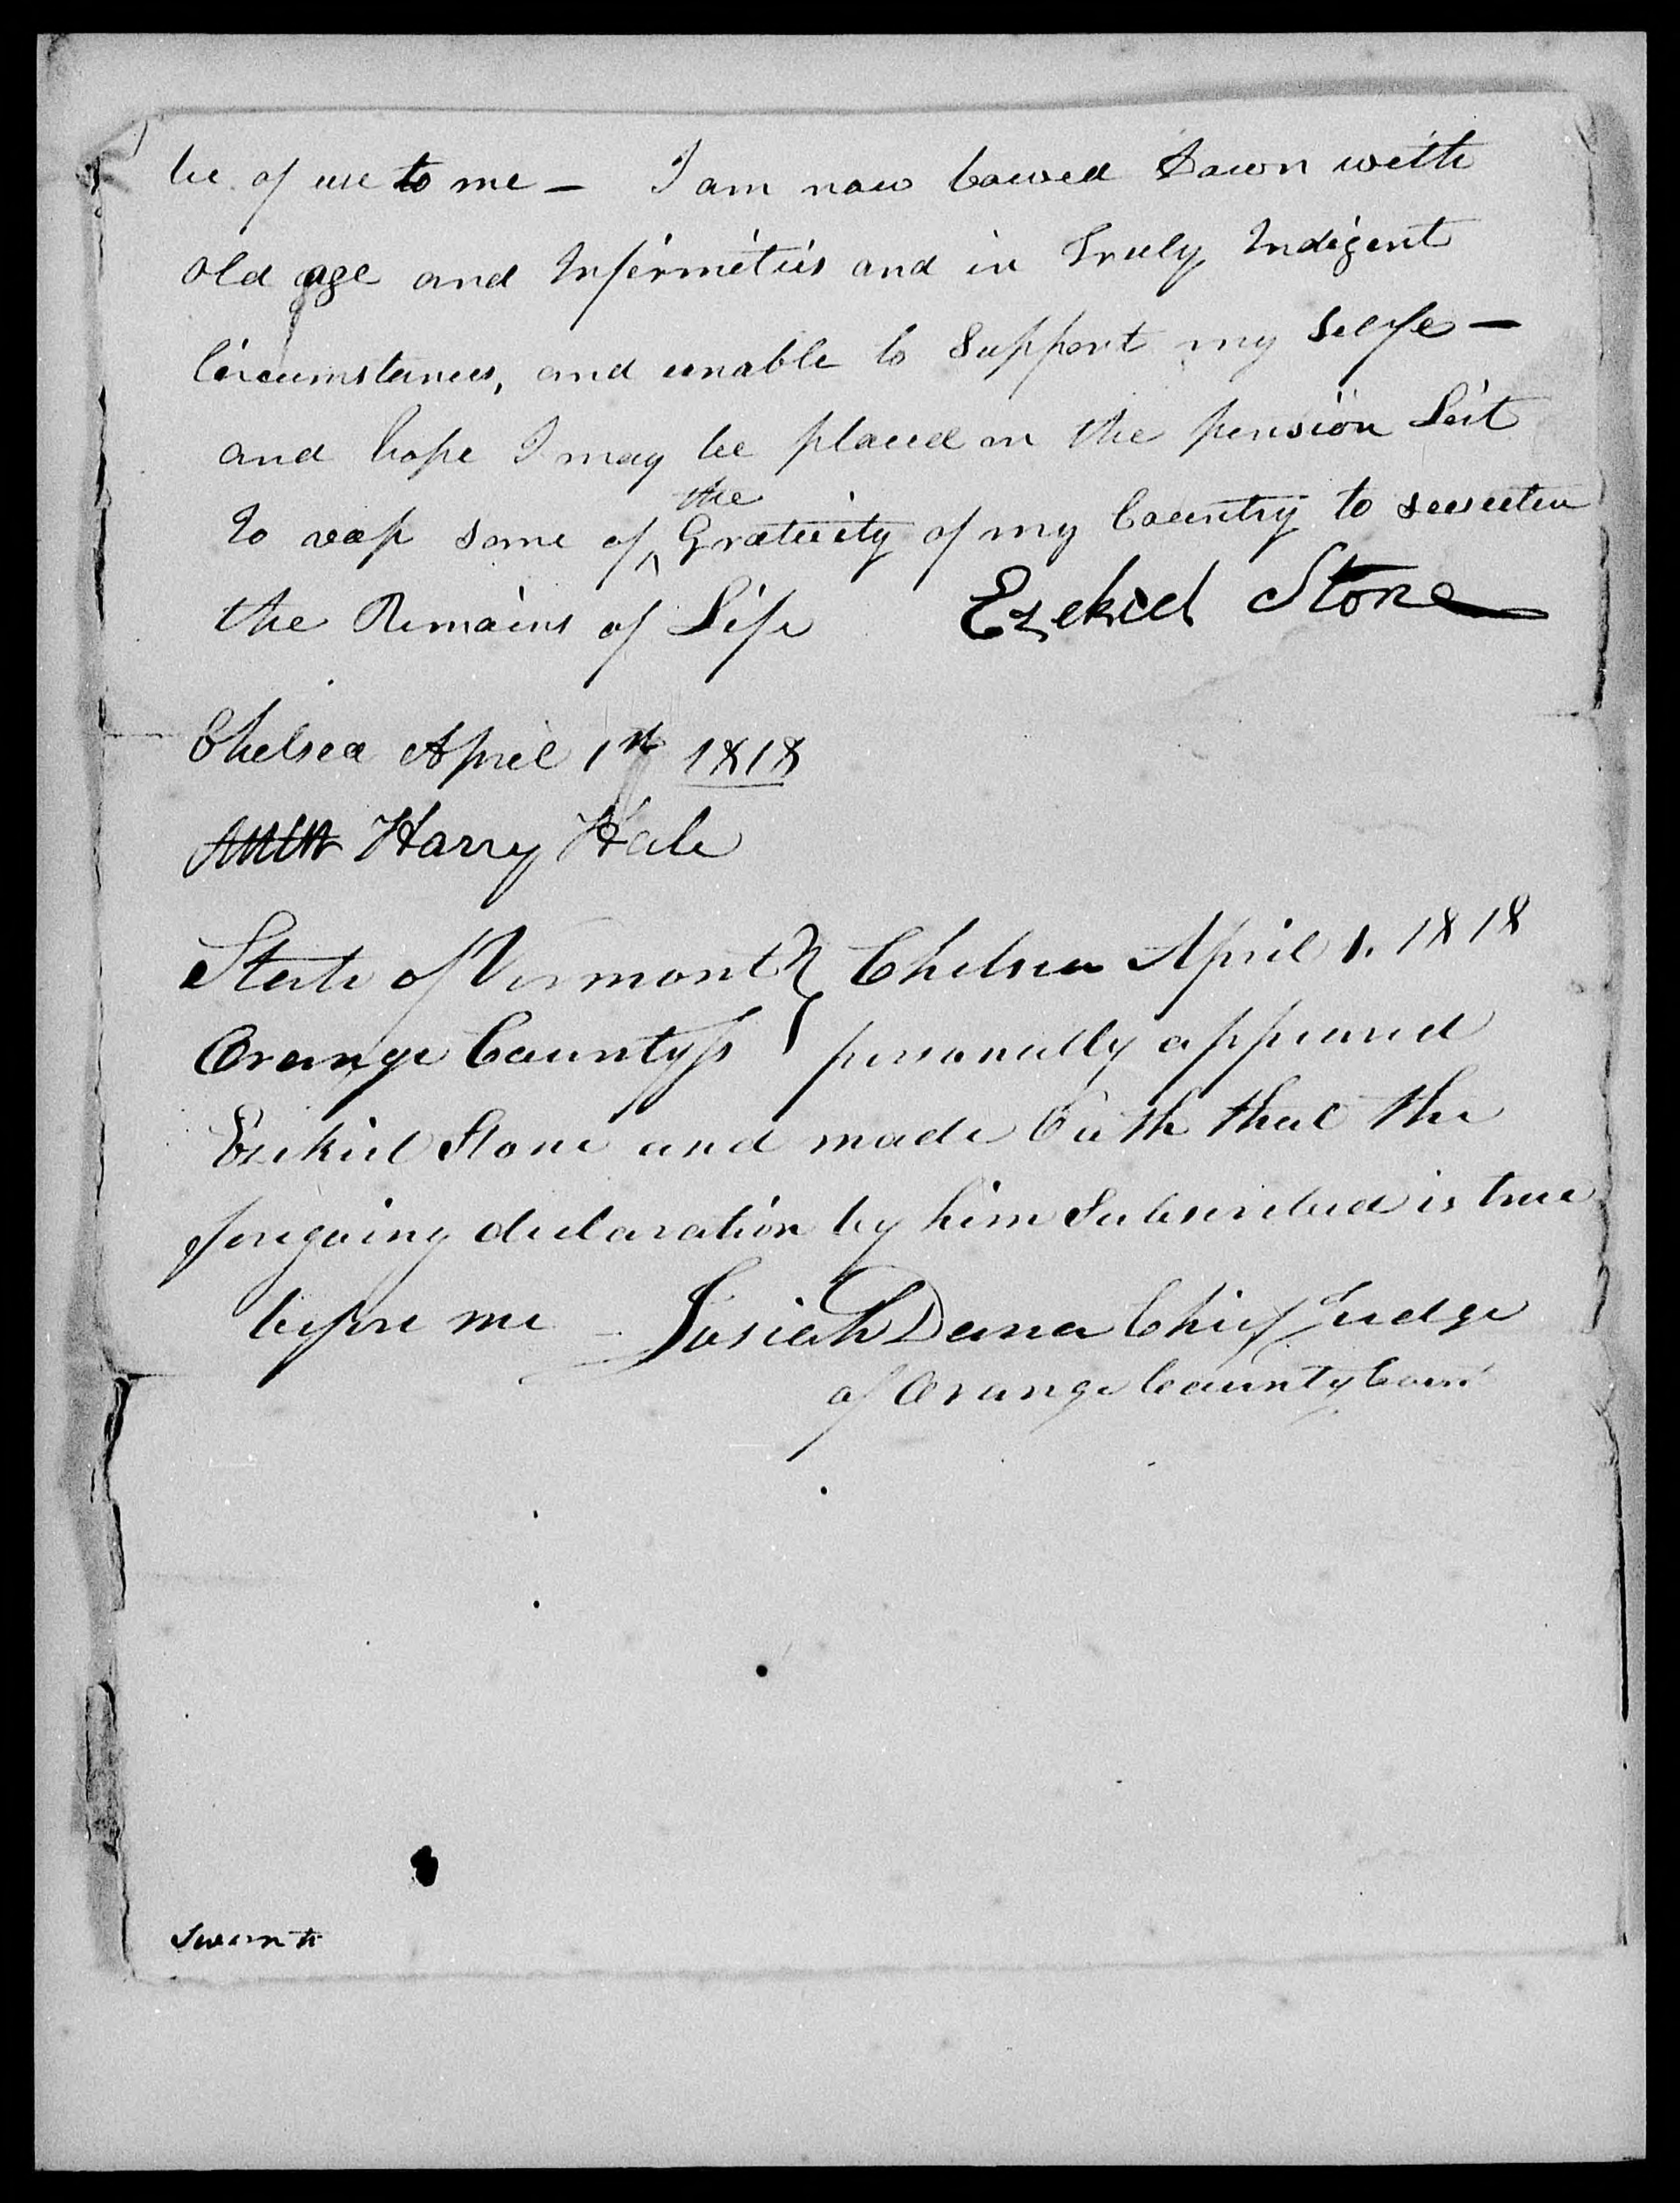be of use to me--I am now bowed down with old age and infirmities and in Truly Indigent Circumstances, and unable to Support my selfe--and hope I may be placed on the pension List to reap some of the gratuity of my Country to sweeten the Remains of Life
Ezekiel Stone
Chelsea April 1st 1818
Attest  Harry Hale

State of Vermont  )   Chelsea
Orange County fs )   April 1, 1818

personally appeared Ezekiel Stone and made Oath that the foregoing declaration by him Subscribed is true
before me   Josiah Dana  Chief Judge of Orange County Court

sworn to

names: Harry Hale; Josiah Dana; Ezekiel Stone; Ezekiel Stone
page: 5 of 38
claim: survivor's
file: S. 43181, for Ezekiel Stone, New Hampshire